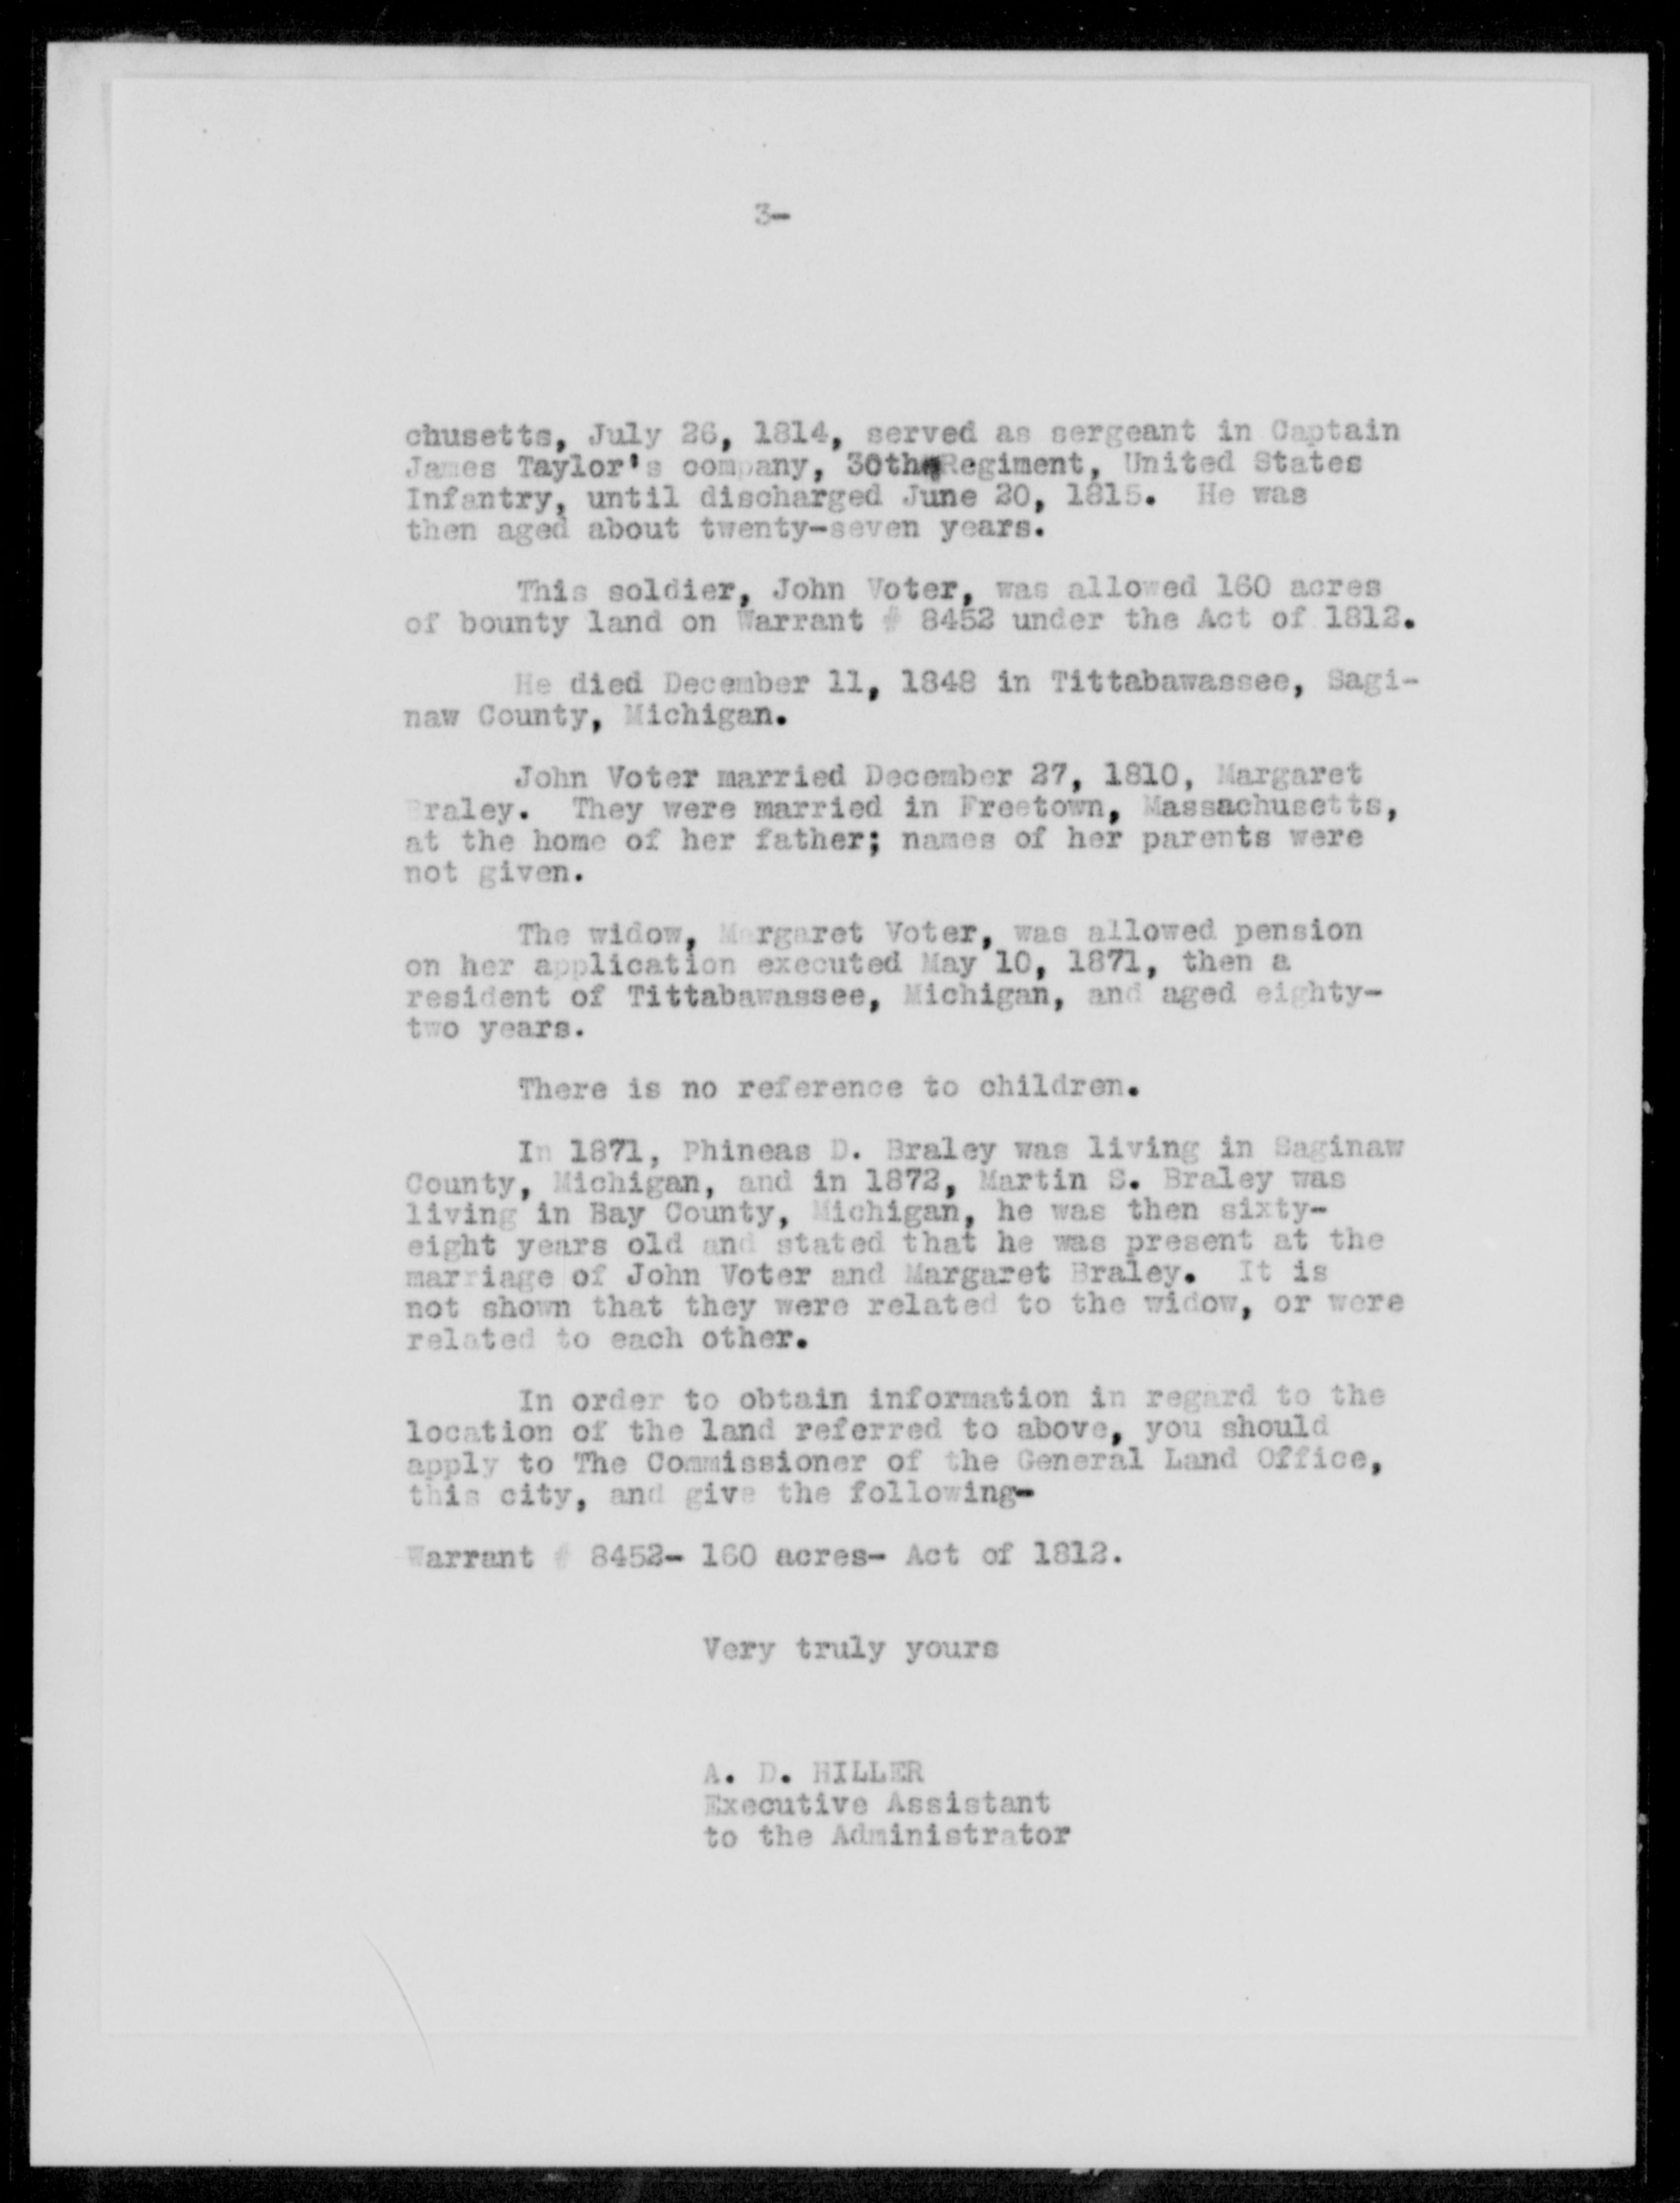3-

Massachusetts, July 26, 1814, served as sergeant in Captain
James Taylor's company, 30th Regiment, United States
Infantry, until discharged June 20, 1815. He was
then aged about twenty-seven years.

This soldier, John Voter, was allowed 160 acres
of bounty land on Warrant #8452 under the Act of 1812.

He died December 11, 1848 in Tittabawassee, Saginaw
County, Michigan.

John Voter married December 27, 1810, Margaret
Braley. They were married in Freetown, Massachusetts,
at the home of her father; names of her parents were
not given.

The widow, Margaret Voter, was allowed pension
on her application executed May 10, 1871, then a
resident of Tittabawassee, Michigan, and aged eighty
two years.

There is no reference to children.

In 1871, Phineas D. Braley was living in Saginaw
County, Michigan, and in 1872, Martin S. Braley was
living in Bay County, Michigan, he was then sixty-
eight years old and stated that he was present at the
marriage of John Voter and Margaret Braley. It is
not shown that they were related to the widow, or were
related to each other.

In order to obtain information in regard to the
location of the land referred to above, you should
apply to The Commissioner of the General Land Office,
this city, and give the following
Warrant 8452 - 160 acres - Act of 1812.
Very truly yours
A. D. HILLER
Executive Assistant
to the Administrator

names: A D Hiller, John Voter, Phineas D Braley, Martin S Braley, Margaret Voter, John Voter, John Voter, Margaret Braley, Margaret Braley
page: 31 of 51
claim: rejected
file: R. 10,921, William Vawter, Va.